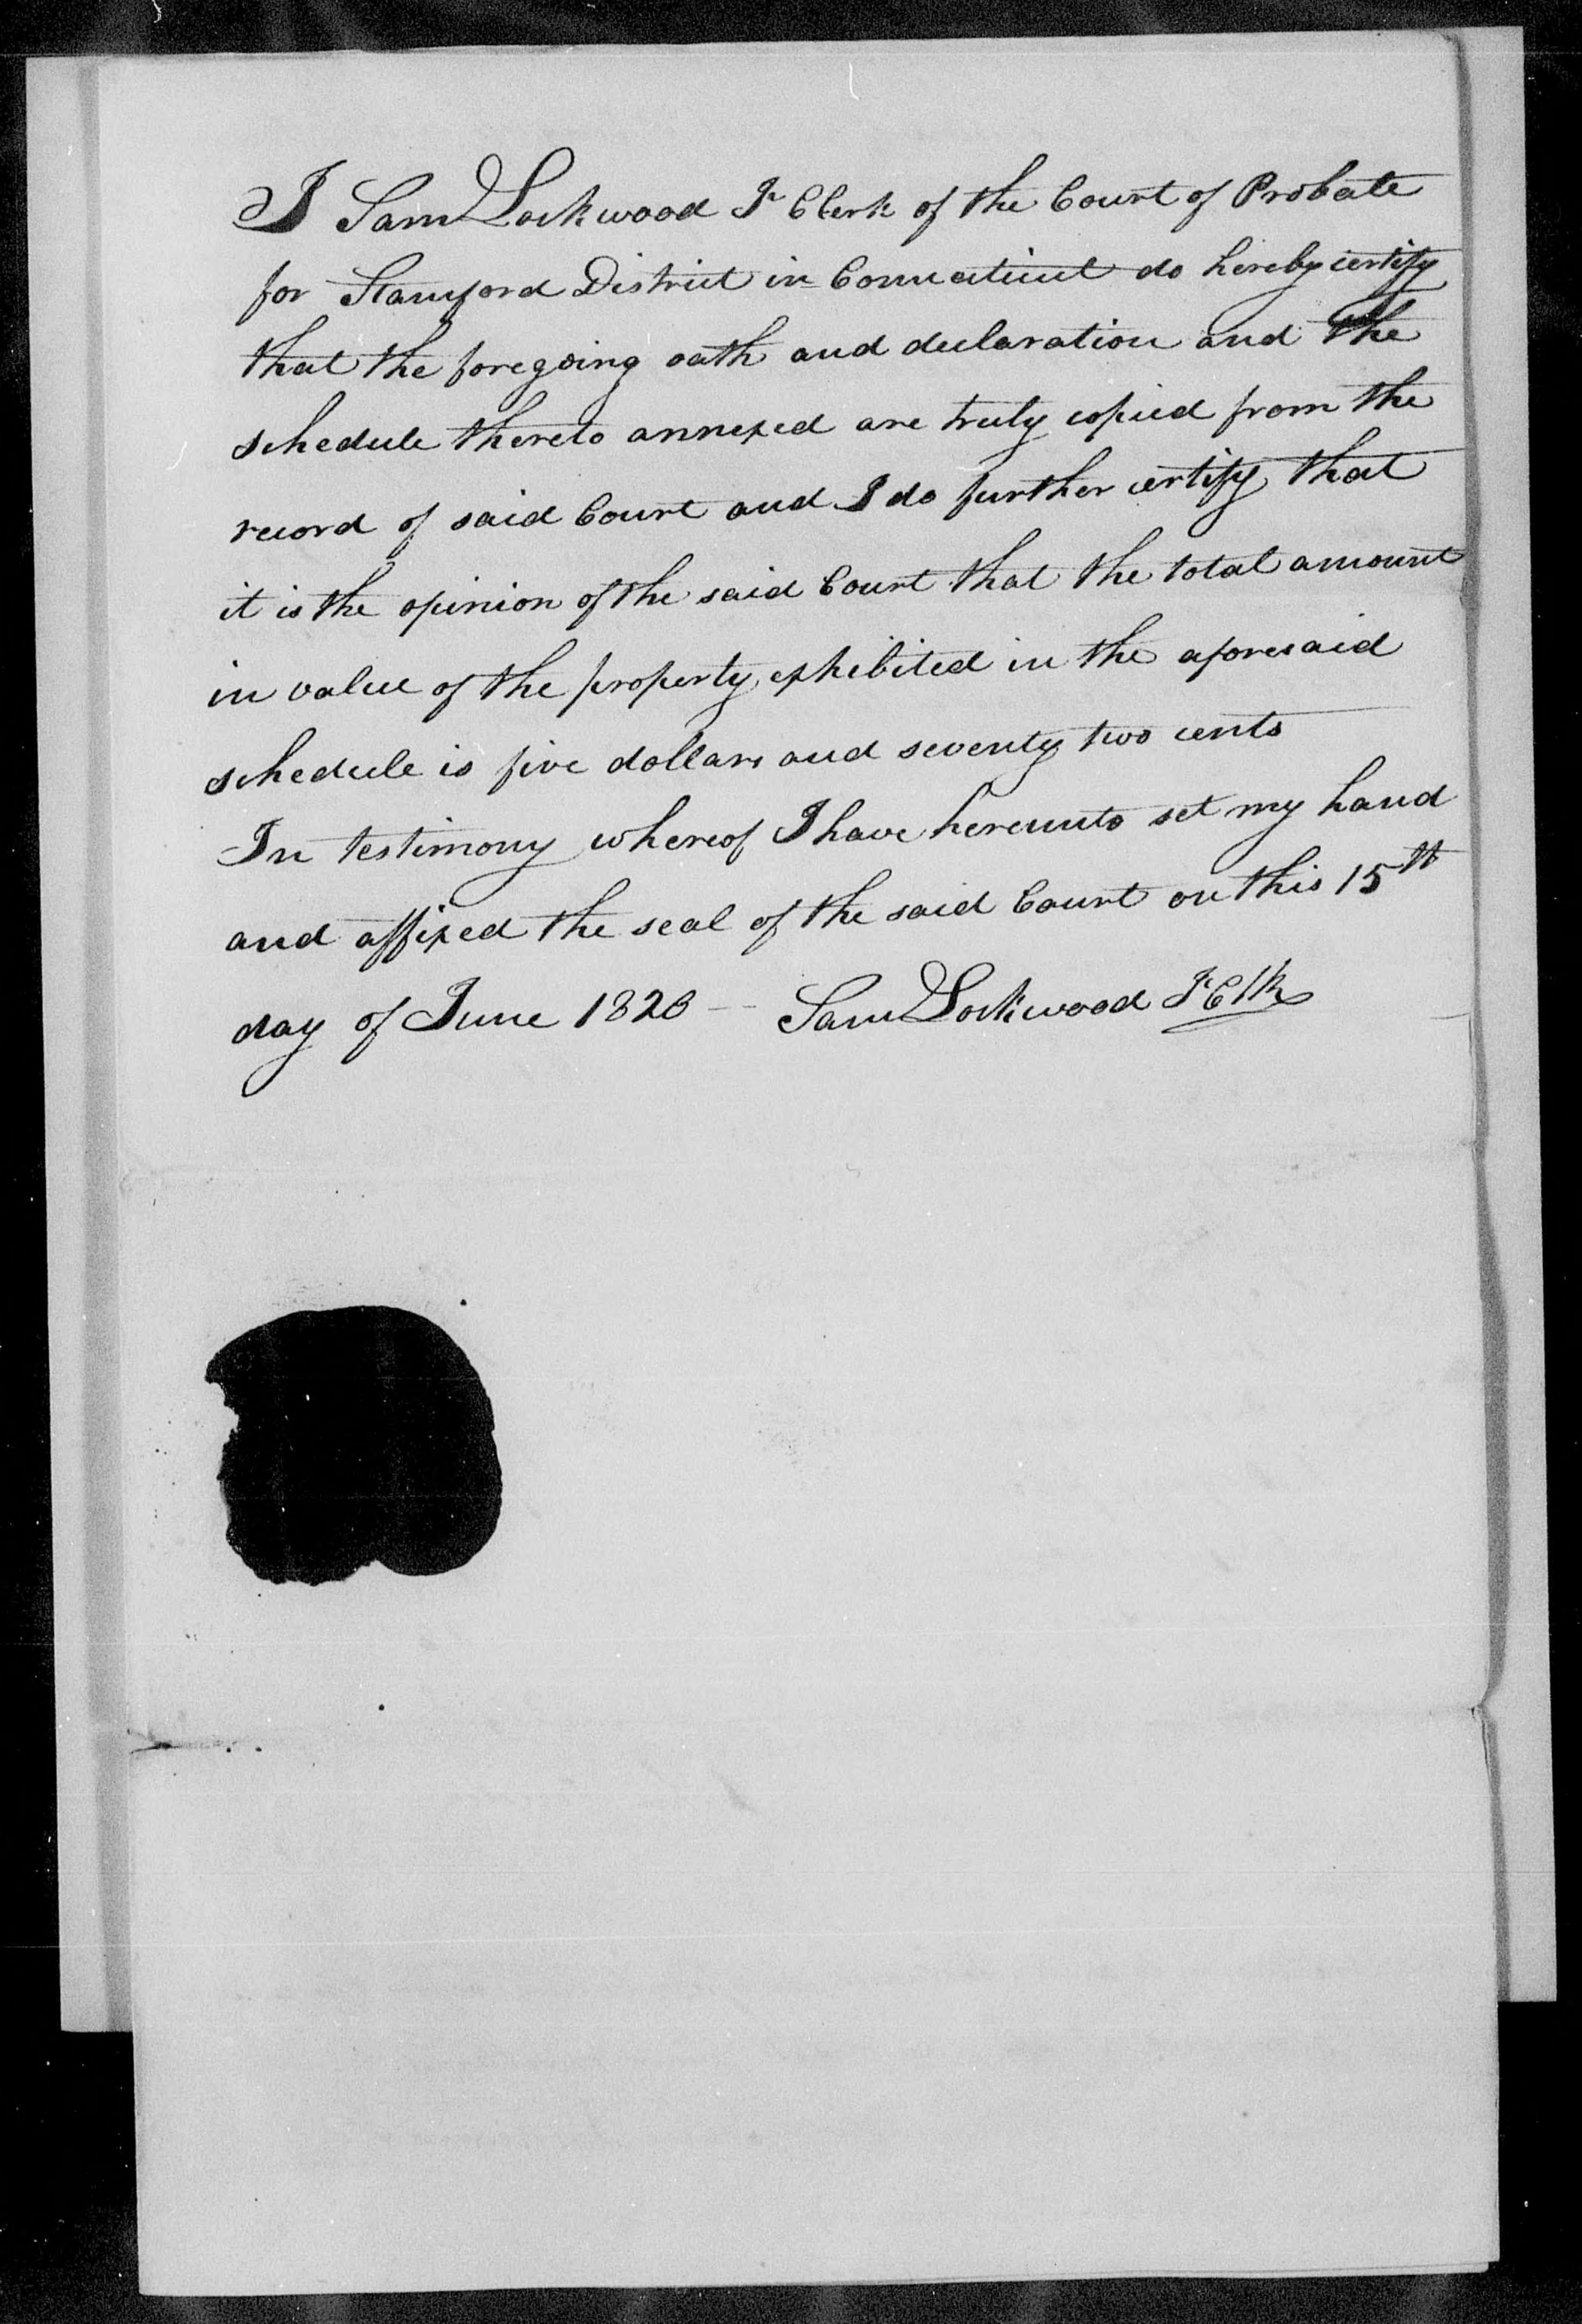I Sam Lockwood Jr Clerk of the Court of Probate for Stamford District in Connecticut do hereby certify that the foregoing oath and declaration and the schedule thereto annexed are truly copied from the record of said Court and I do further certify that it is the opinion of the said Court that the total amount
in value of the property exhibited in the aforesaid schedule is five dollars and seventy two cents
In testimony whereof I have hereunto set my hand and affixed the seal of the said Court on this 15th day of June 1820.
[signed] Sam Lockwood Jr Clk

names: Saml Lockwood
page: 8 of 13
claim: survivor's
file: S. 36211, for John Pender, New Hampshire